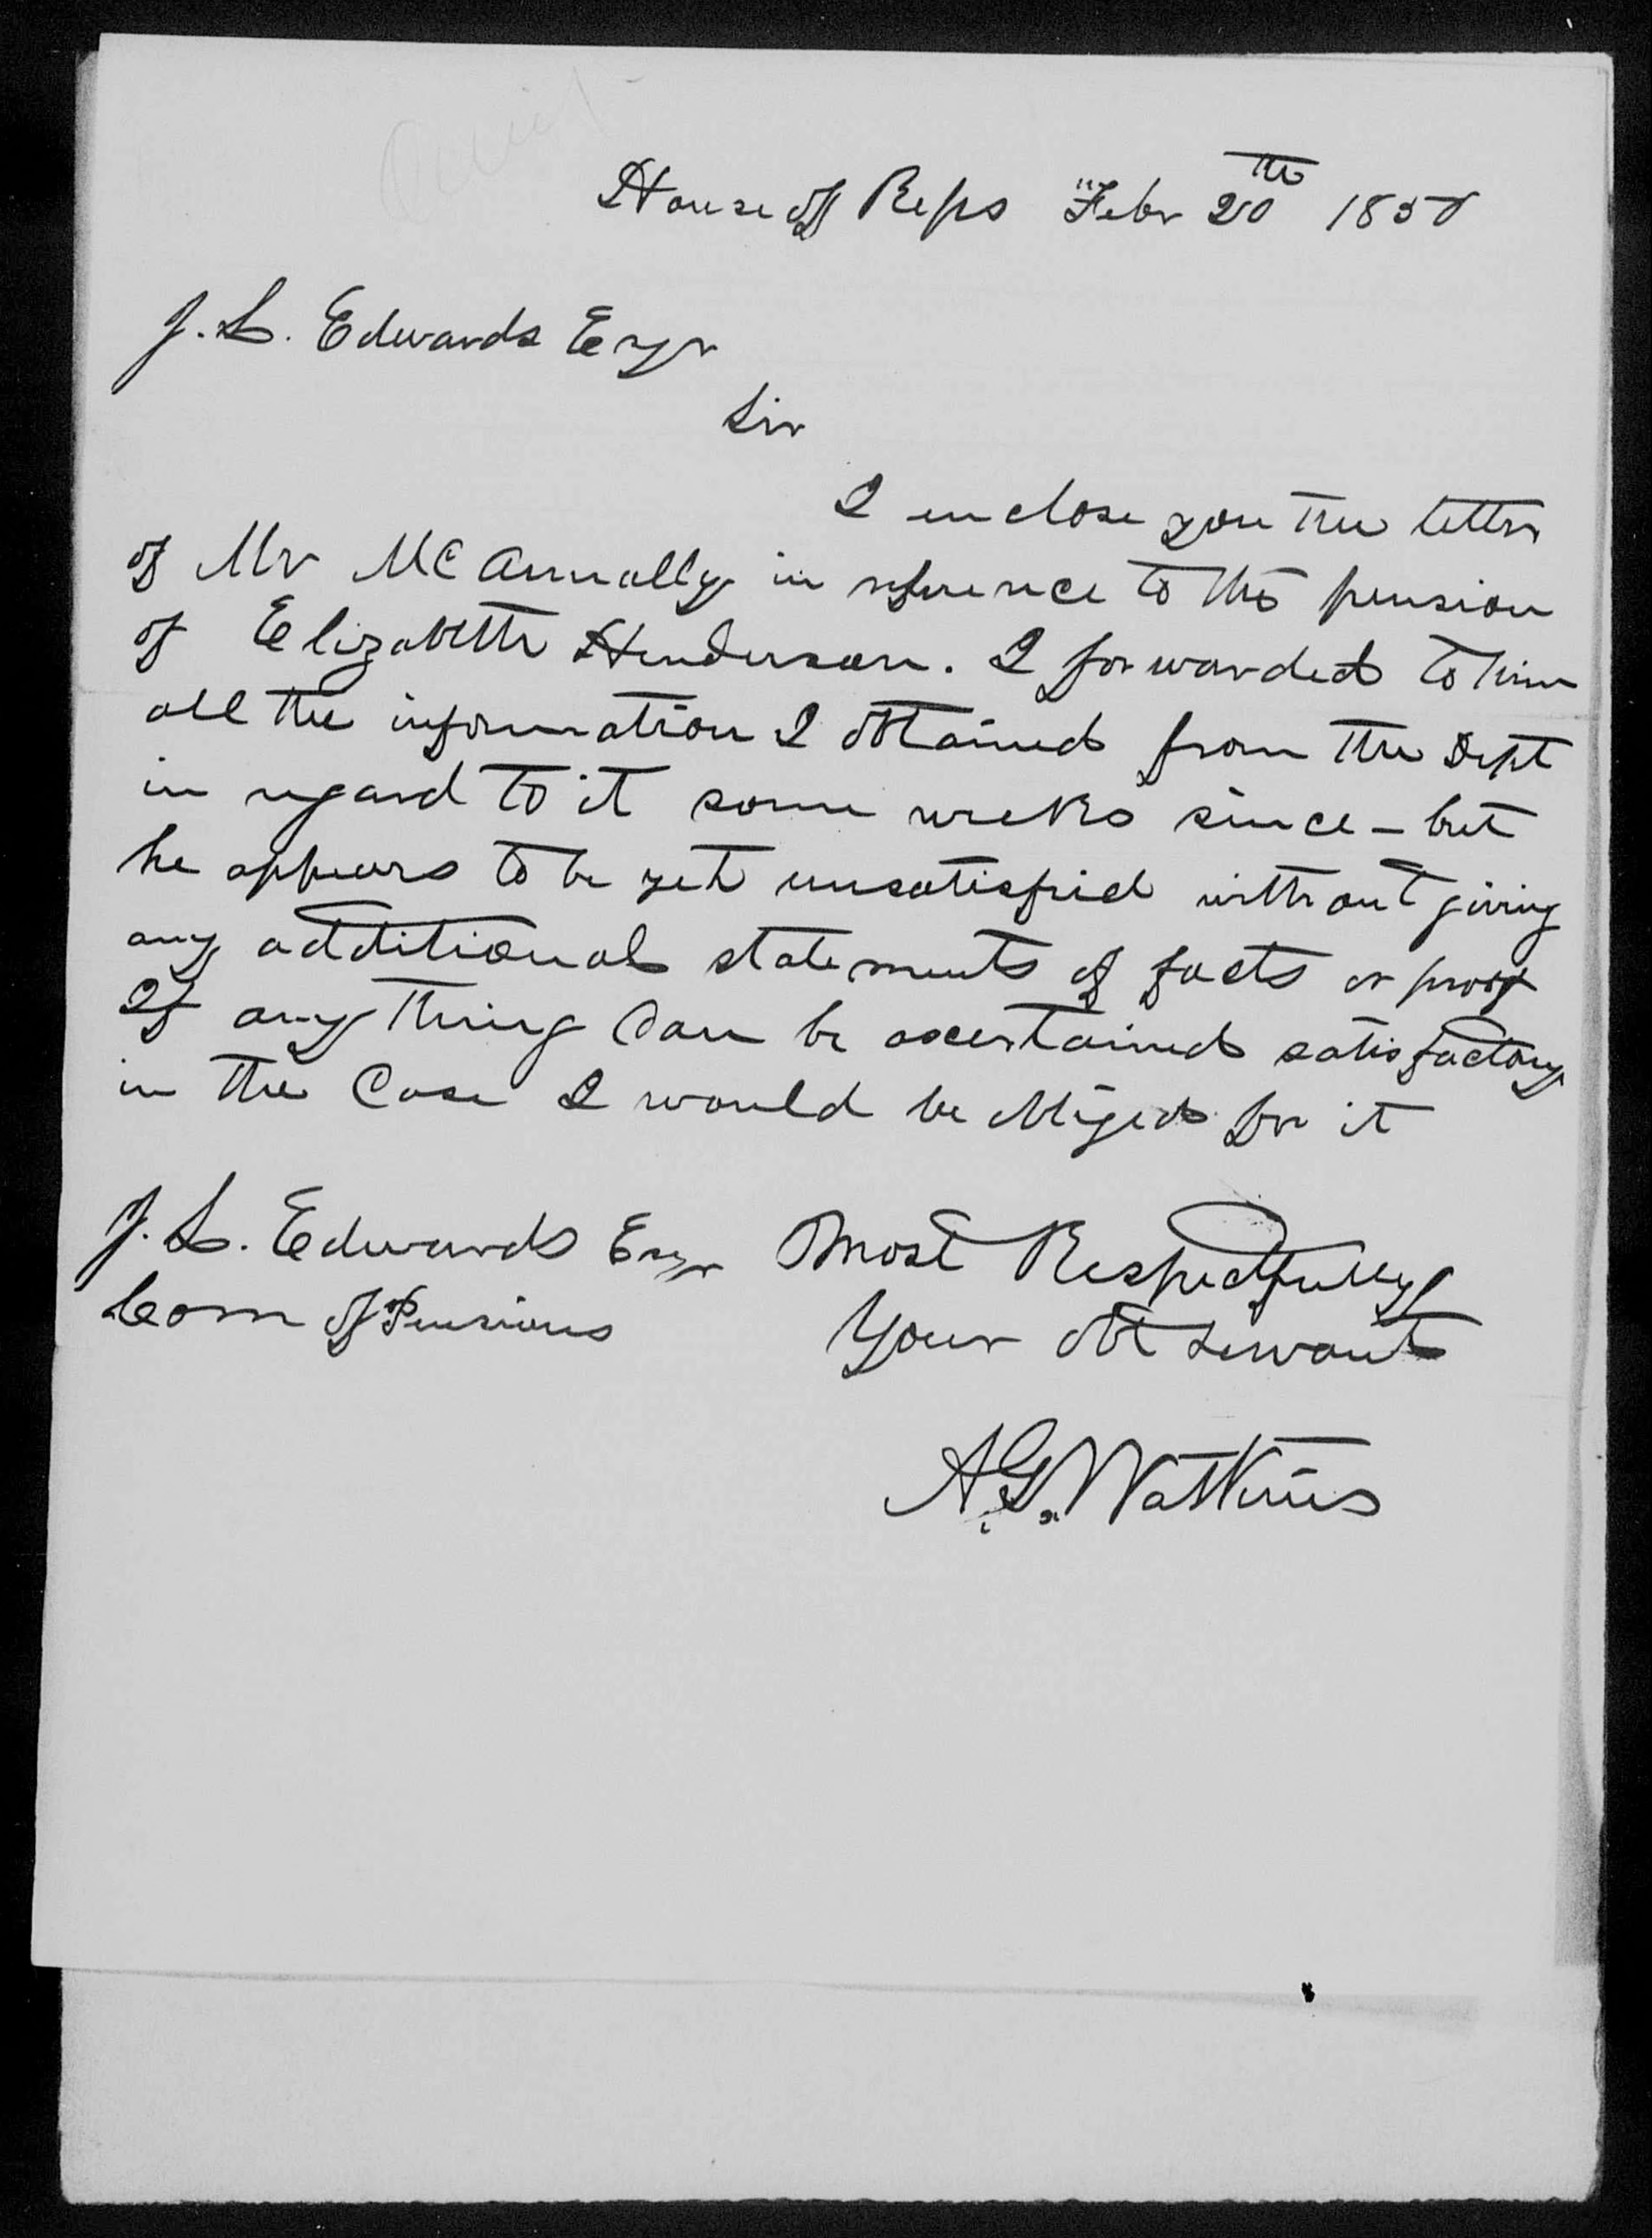House of Rep Feb 20th 1838

J.L. Edwards Esqr

Sir

I enclose you the letter
of Mr Mc Annally in reference to the pension
of Elizabeth Henderson. I forwarded to him
all the information I obtained from the Dept
in regard to it some weeks since, but
he appears to be yet unsatisfied without giving
any
of
---
additional statements of facts or proof
any thing can be ascertained satisfactory
in the case I would be obliged for it
J. L. Edwards Esqr
Com of Pensions
Most Respectfully
Your obt Servant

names: J L Edwards, Elizabeth Henderson, J L Edwards, Mc Annally, A G Watkins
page: 37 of 40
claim: rejected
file: R. 4,869, John Henderson, S.C.